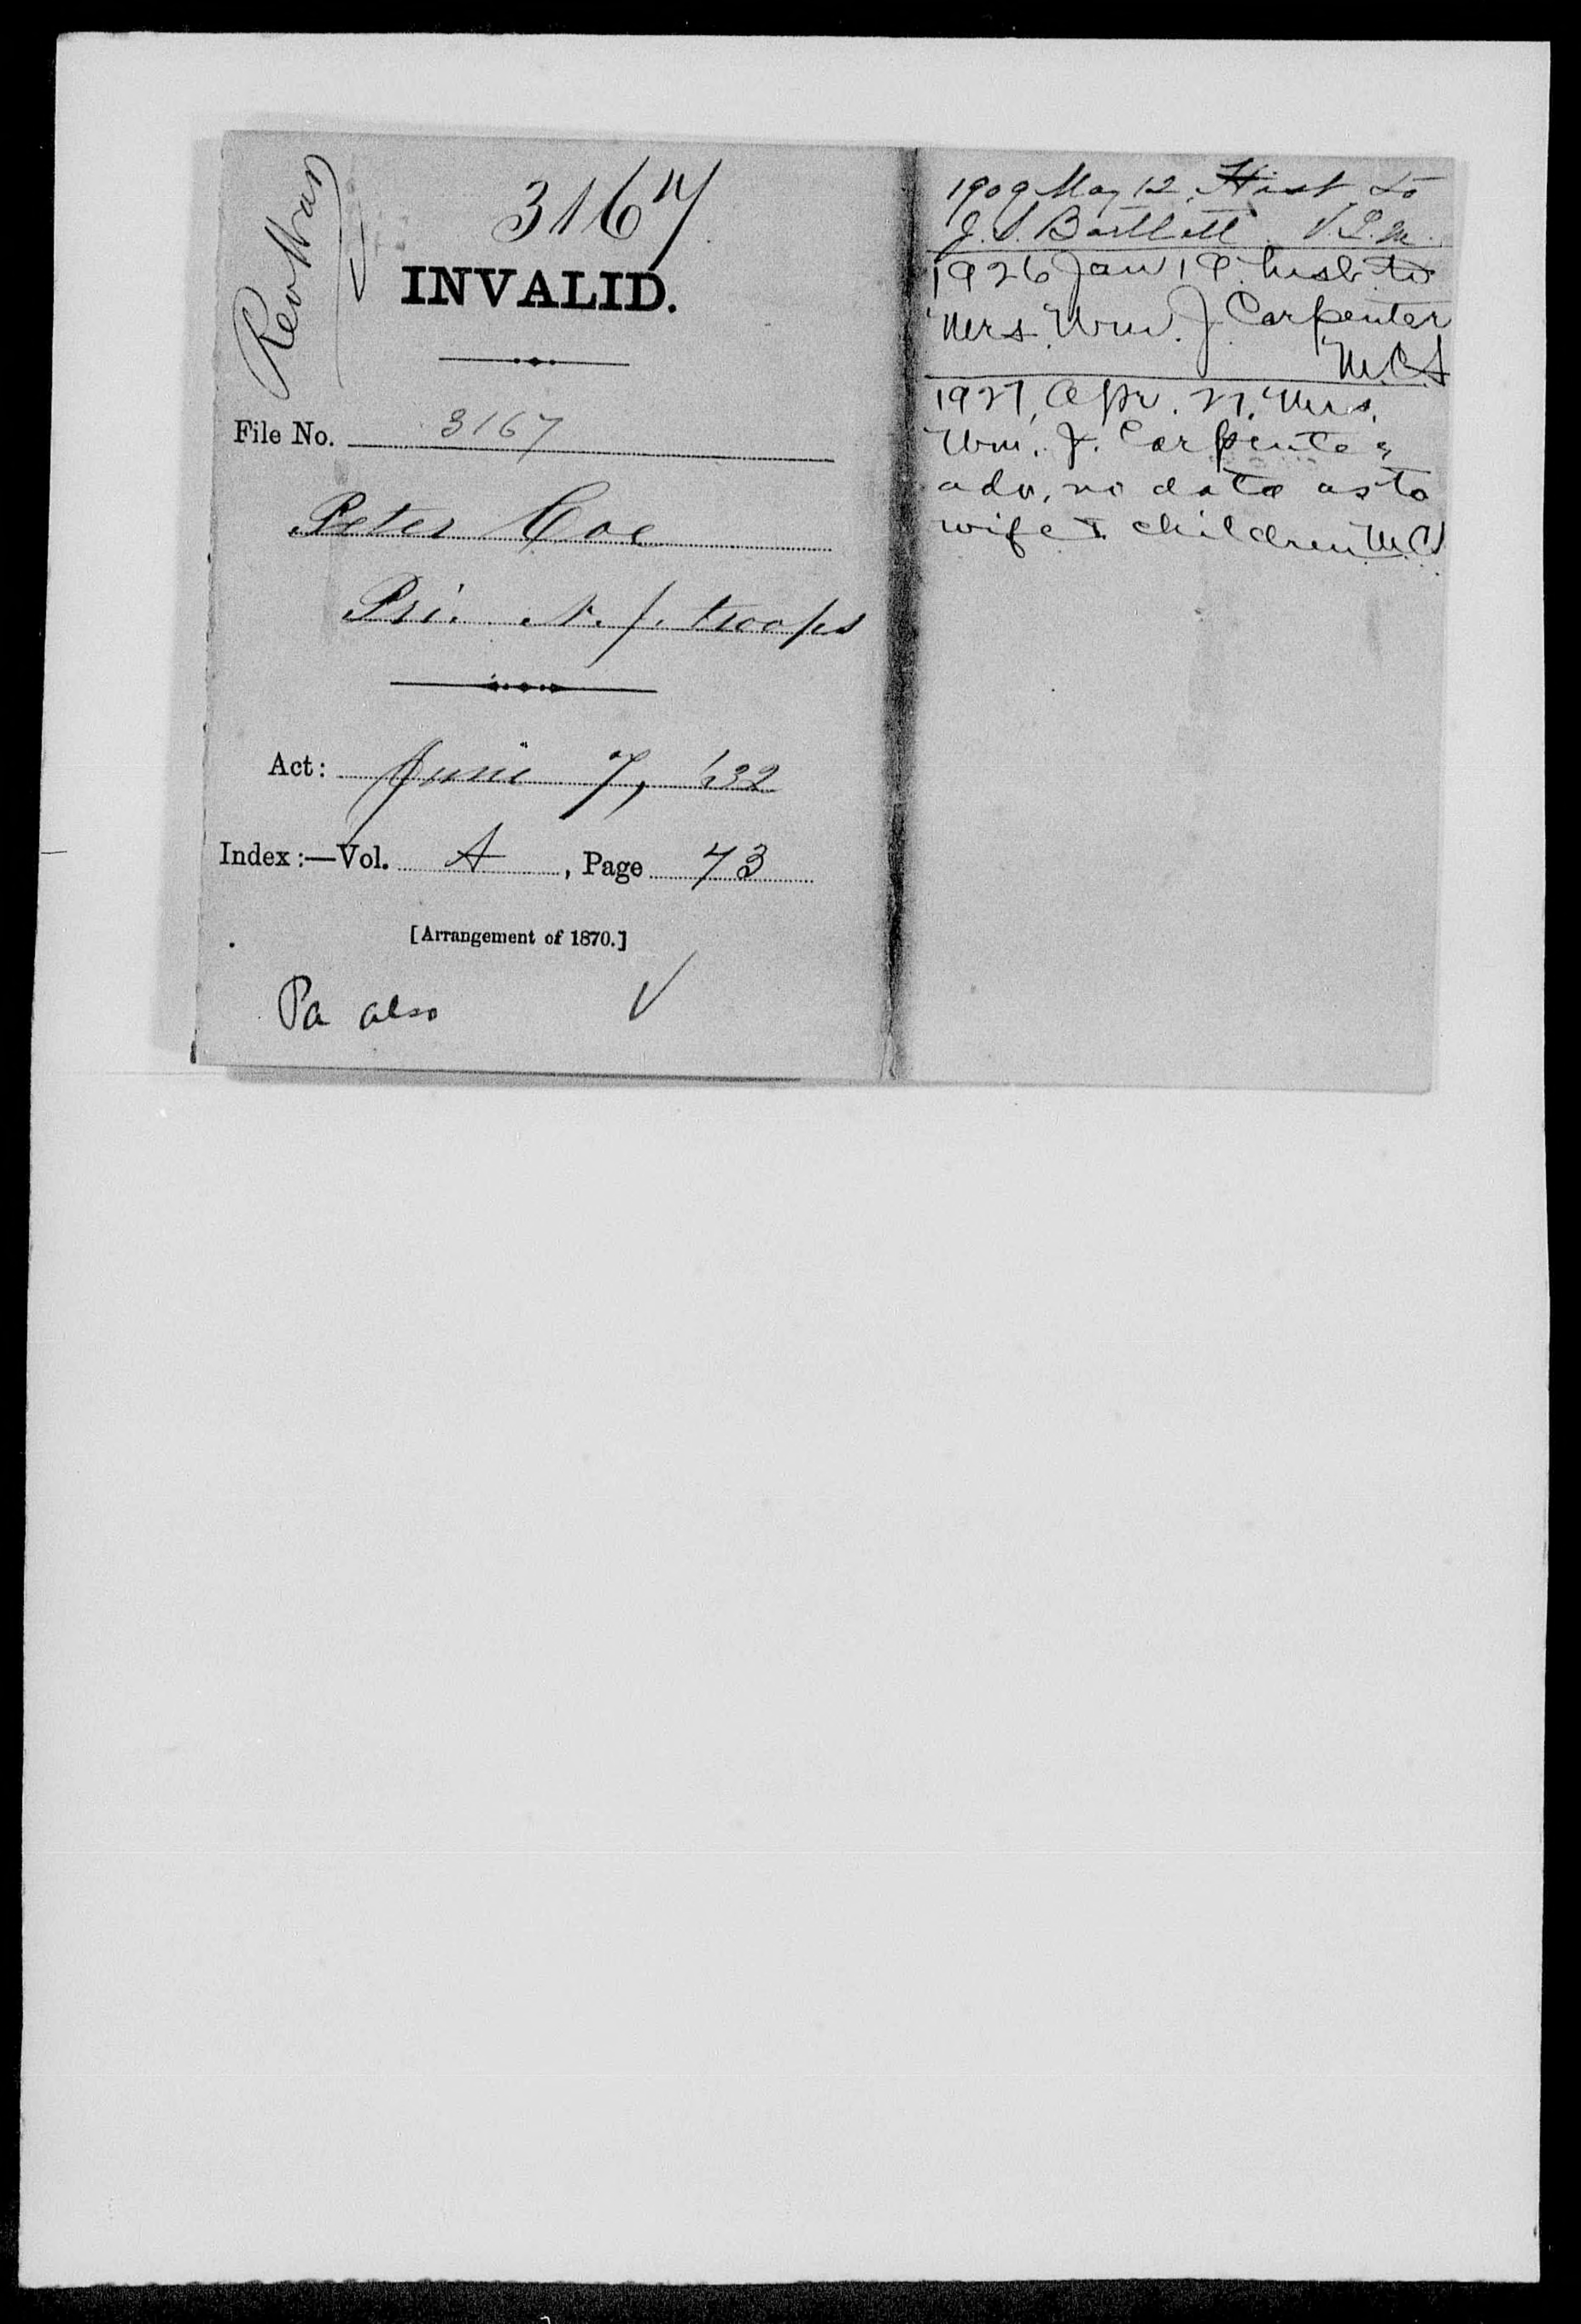[bifold-left side]
INVALID.
Rev War 3167
File No. 3167
Peter Coe
Pri. N.J. troops

Act: June 7, 1832
Index:--Vol. A, Page 73
[Arrangement of 1870.]
Pa also

[Bifold-right side]
1909 May 12, Hist to J. S. Bartlett V.L.M.
1926 Jan 19 hist to Mrs. Wm. J. Carpenter W.C.S.
1927 Apr. 27. Mrs Wm. J. Carpenter adv. no data as to wife & children W.C.S.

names: Wm J Carpenter, Peter Coe, Wm J Carpenter, J S Bartlett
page: 21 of 23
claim: survivor's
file: S. 3167, Peter Coe, New Jersey Penn.